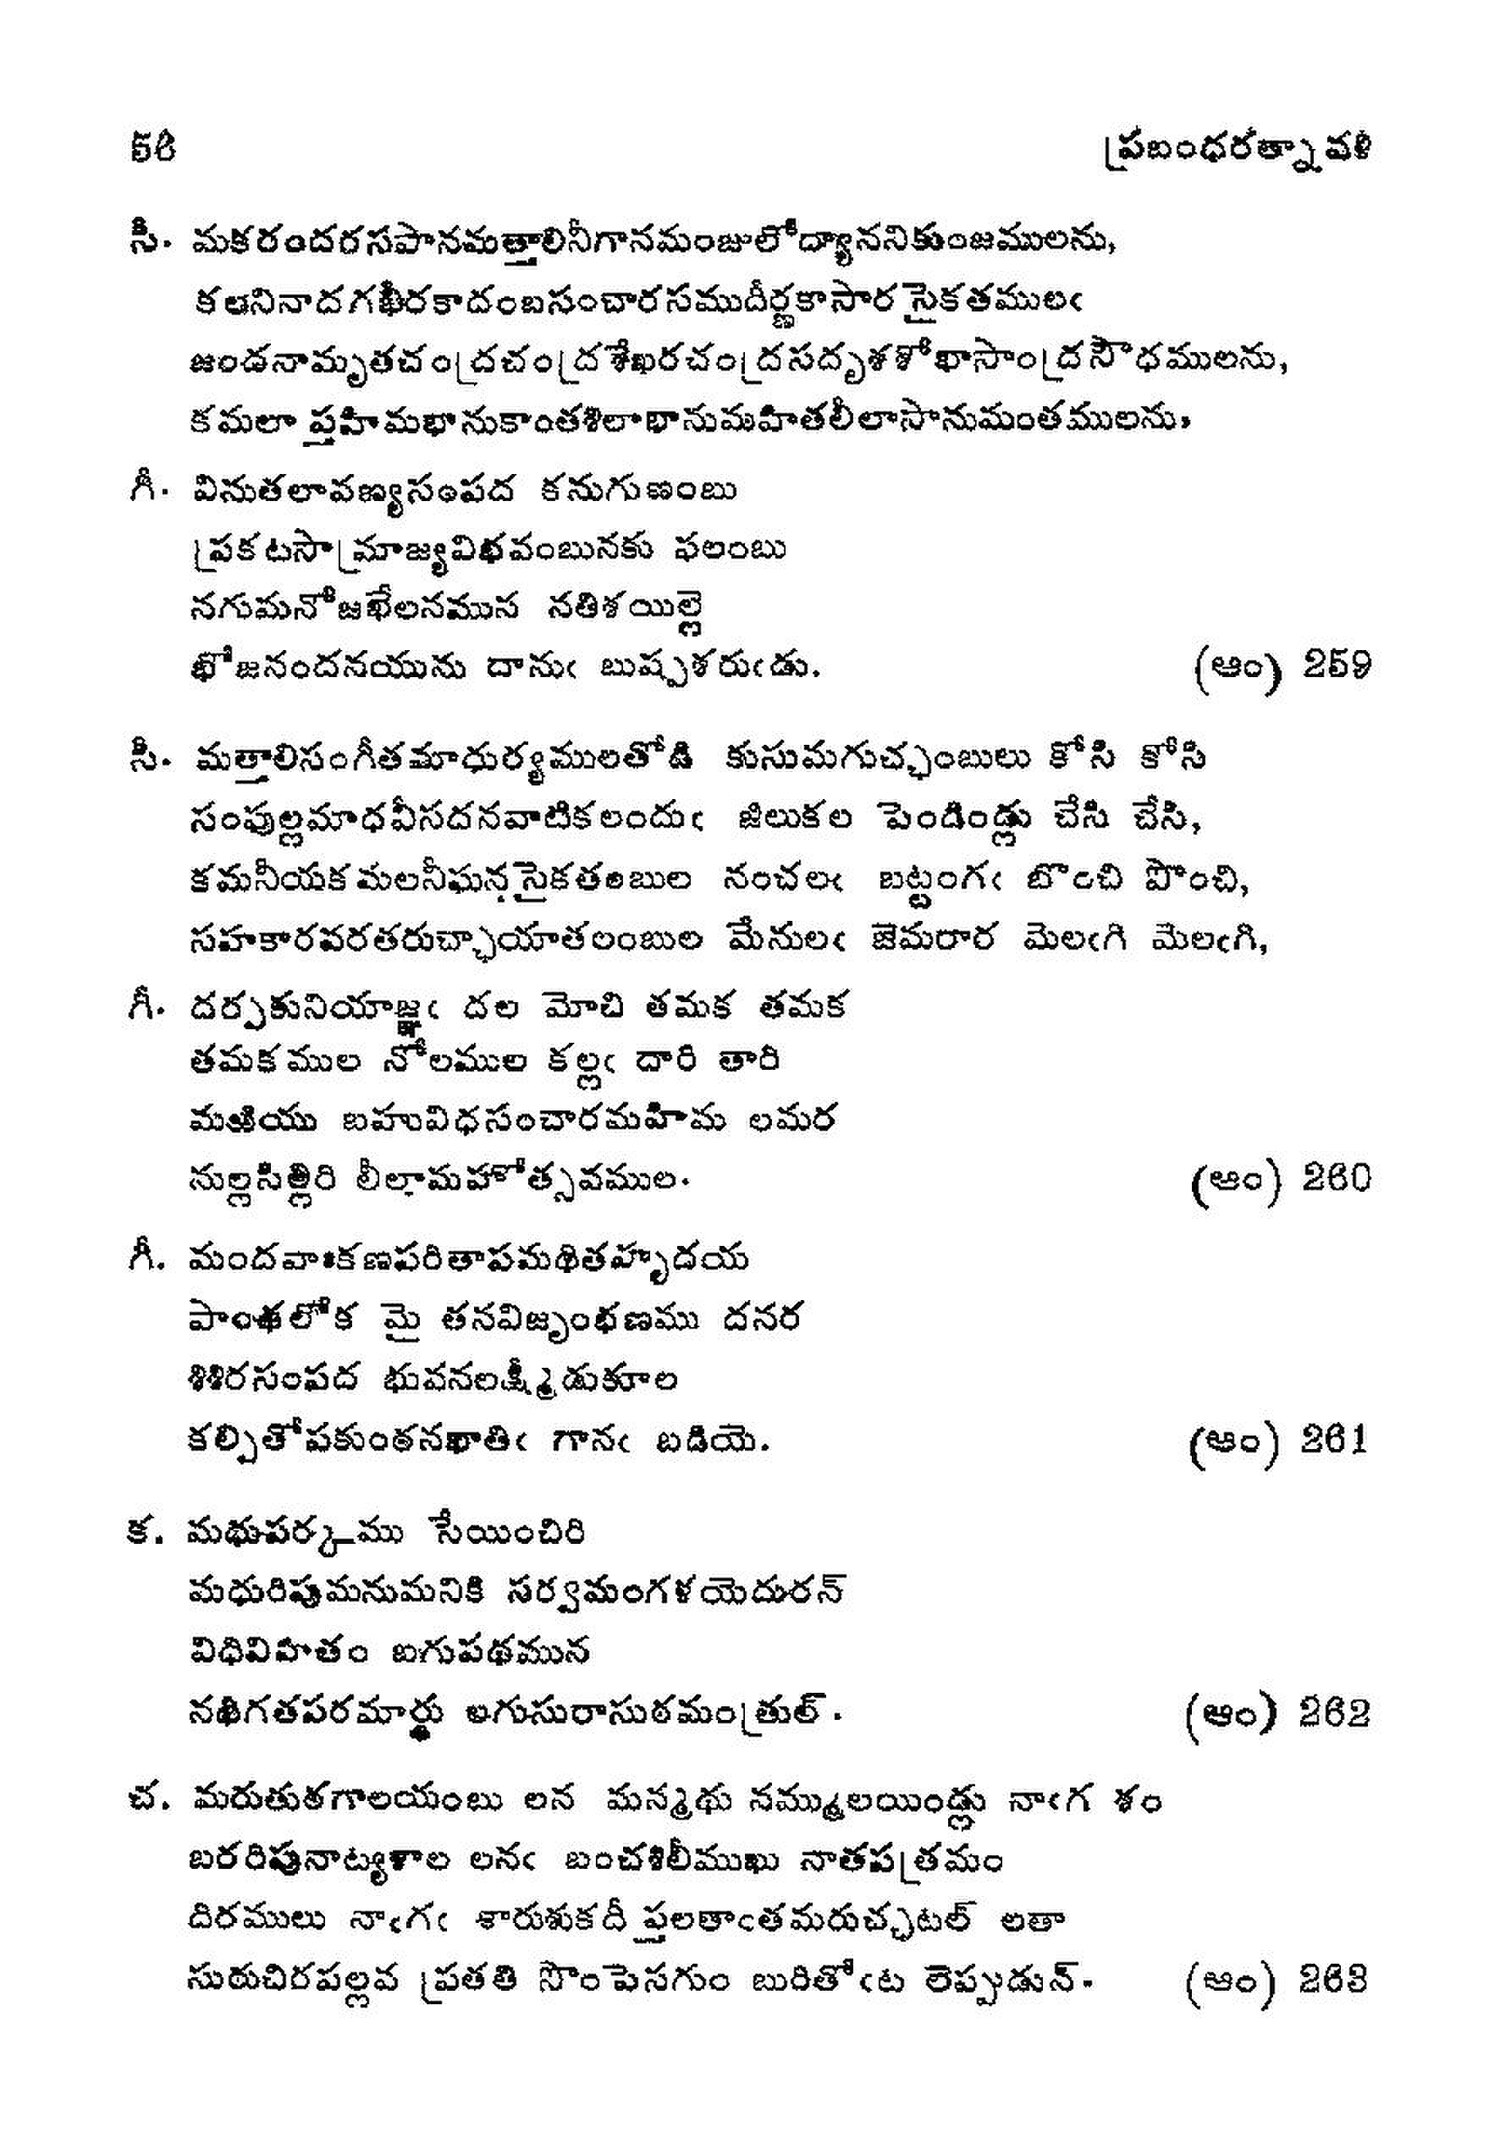సీ. మకరందరసపానమత్తాలినీగానమంజులోద్యాననికుంజములను,
కలనినాదగభీరకాదంబసంచారసముదీర్ణకాసారసైకతములఁ
జందనామృతచంద్రచంద్రశేఖరచంద్రసదృశశోభాసాంద్రసౌధములను,
కమలాప్తహిమభానుకాంతశిలాభానుమహితలీలాసానుమంతనములను,
గీ. వినుతలావణ్యసంపద కనుగుణంబు
ప్రకటసామ్రాజ్యవిభవంబునకు ఫలంబు
నగు మనోజఖేలనమున నతిశయిల్లె
భోజనందనయును దానుఁ బుష్పశరుఁడు. (ఆం) 259

సీ. మత్తాలిసంగీతమాధుర్యములతోడి కుసుమగుచ్ఛంబులు కోసి కోసి
సంఫుల్లమాధవీసదనవాటికలందుఁ జిలుకల పెండిండ్లు చేసి చేసి
కమనీయకమలినీఘనసైకతంబుల నంచలఁ బట్టంగఁ బొంచి పొంచి
సహకారవరుతరుచ్ఛాయాతలంబుల మేనులఁ జెమరార మెలఁగి మెలఁగి
గీ. దర్పకునియాజ్ఞఁ దలమోచి తమక తమక
తమకముల నోలముల కల్లఁ దారి తారి
మఱియు బహువిధసంచారమహిమ లమర
నుల్లసిల్లిరి లీలామహోత్సవముల. (ఆం) 260

గీ. మందవాఃకణపరితాపమథితహృదయ
పాంథలోకమై తన విజృంభణము దనర
శిశిరసంపద భువనలక్ష్మీ దుకూల
కల్పితోపకుంఠనభాతిఁ గానఁబడియె. (ఆం) 261

క. మధుపర్కము సేయించిరి
మధురిపు మనుమనికి సర్వమంగళ యెదురన్
విధివిహతంబగు పథమున
నధిగతపరమార్థులగు సురాసురమంత్రుల్. (ఆం) 262

చ. మరుతురగాలయంబులన మన్మథు నమ్ములయిండ్లు నాఁగ శం
బరరిపునాట్యశాలలనఁ బంచశిరీముఖు నాతపత్రమం
దిరములు నాఁగఁ శారుశుకదీప్తలతాంతమరుచ్ఛటల్ లతా
సురుచిరపల్లవ ప్రతతి సొంపెసగుం బురితోఁట లెప్పుడున్ (ఆం) 263